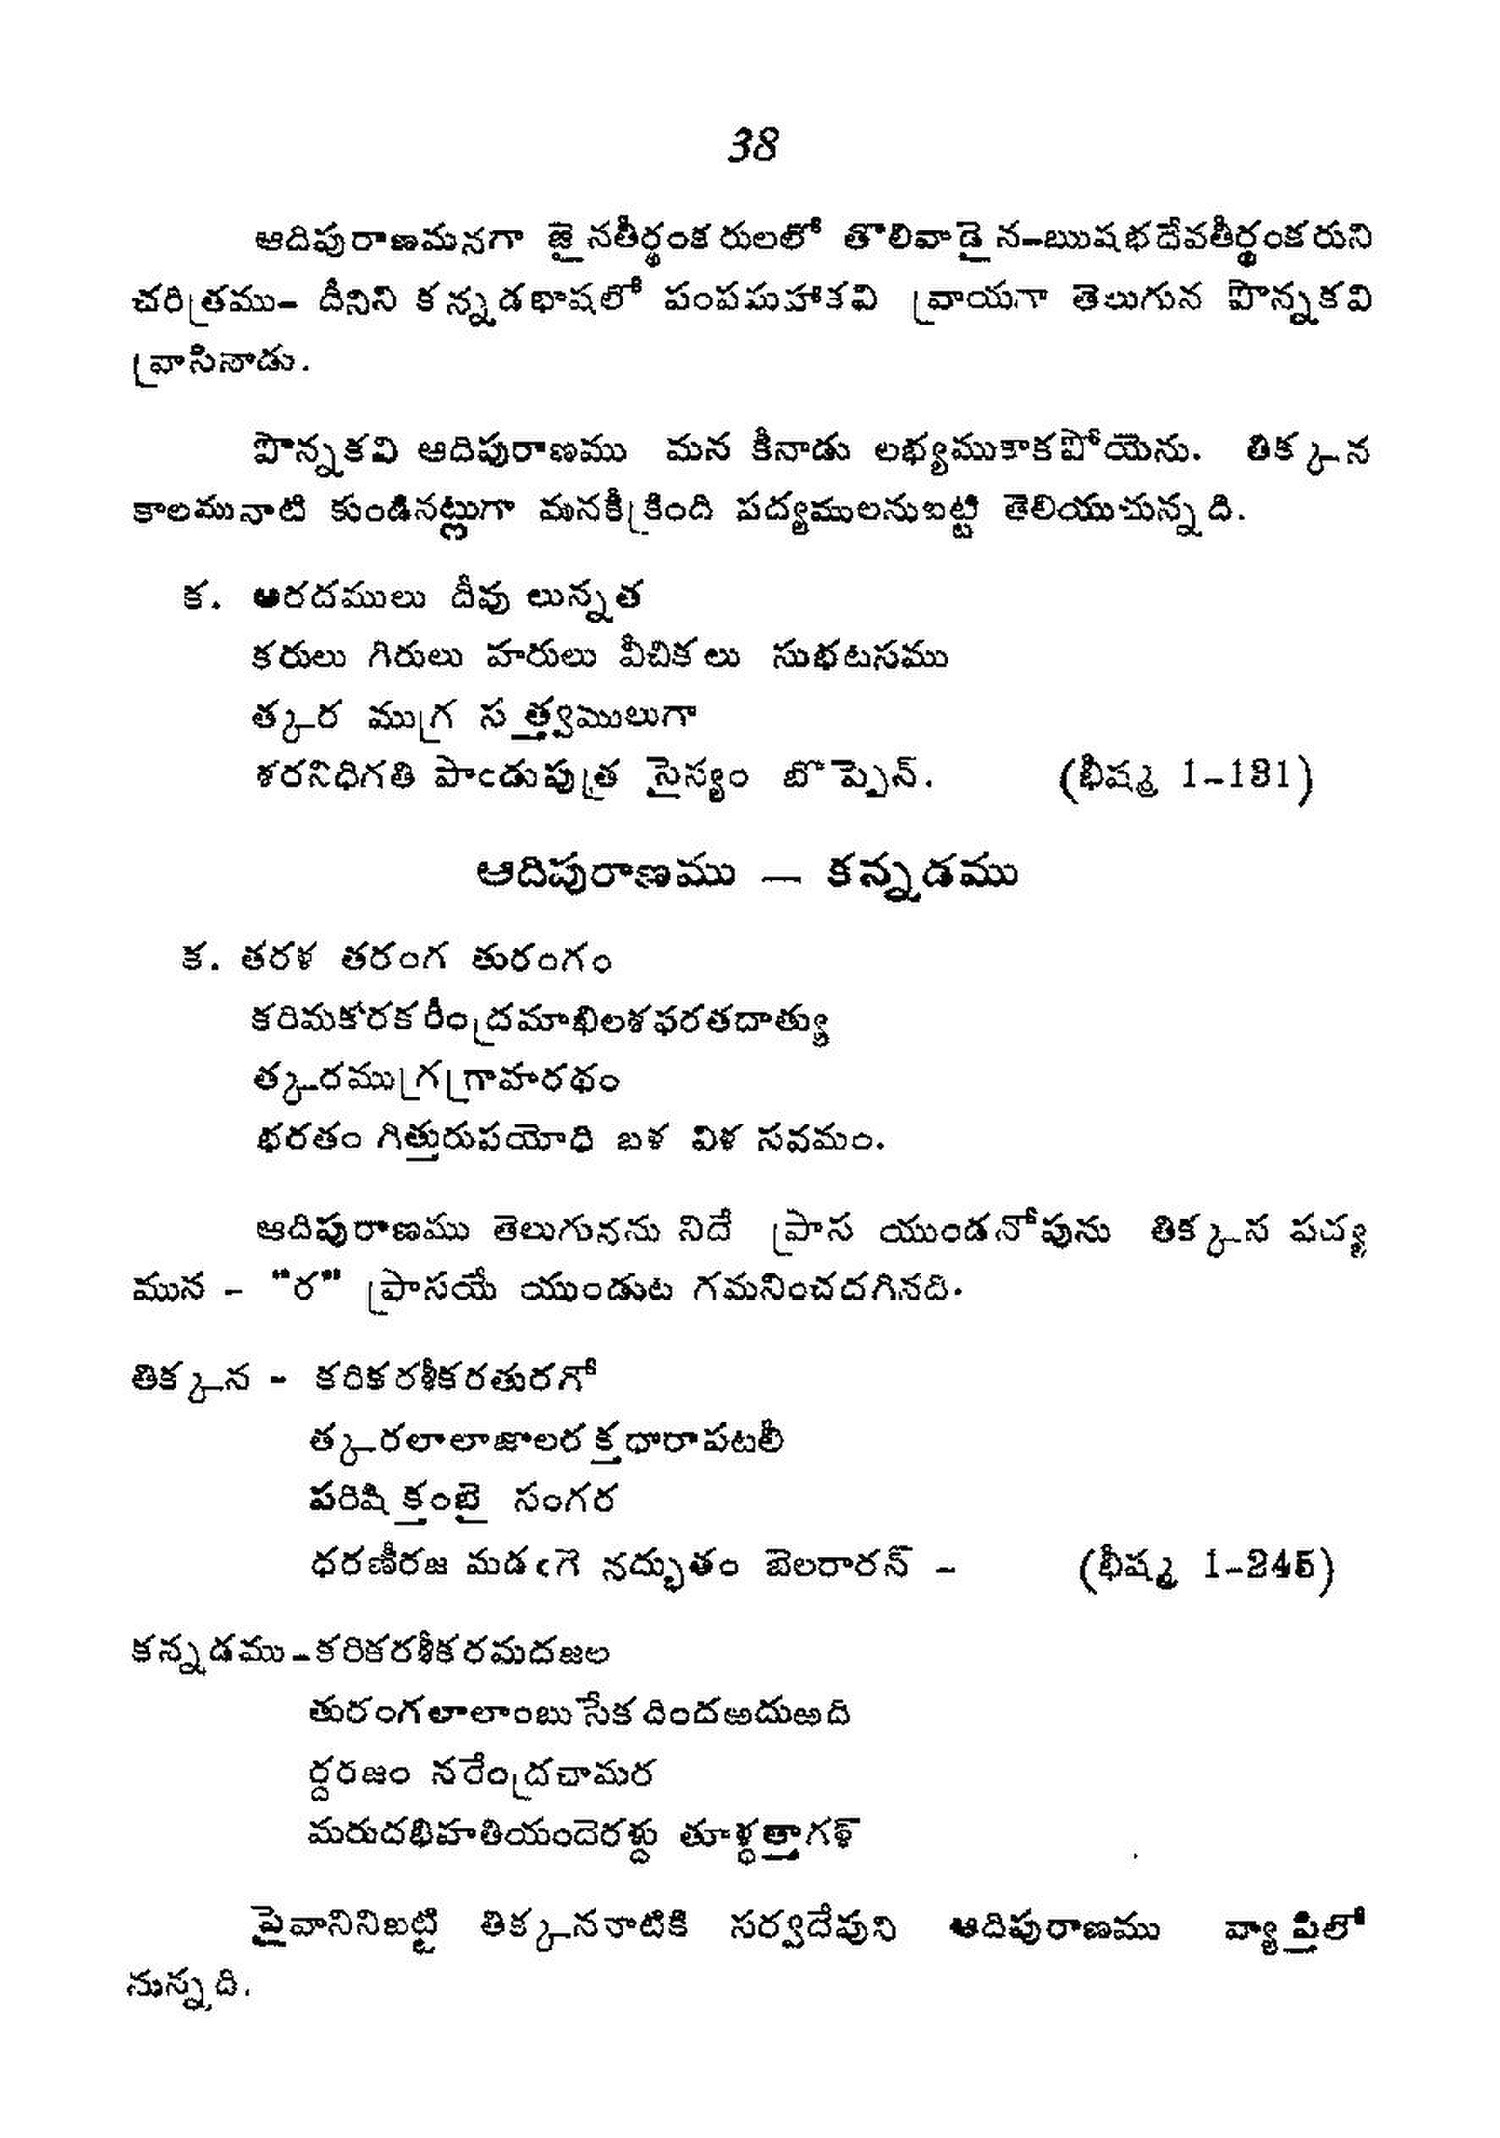ఆదిపురాణమనగా జైనతీర్థంకరులలో తొలివాడైన ఋషభదేవతీర్థంకరుని
చరిత్రము- దీనిని కన్నడ భాషలో పంపమహాకవి వ్రాయగా తెలుగున పొన్నకవి
వ్రాసినాడు.

పొన్నకవి ఆదిపురాణము మన కీనాడు లభ్యముకాకపోయెను. తిక్కన
కాలమునాటి కుండినట్లుగా మనకీ క్రింది పద్యములను బట్టి తెలియుచున్నది.

క. ఆరదములు దీవులున్నత
కరులు గిరులు హరులు వీచికలు సుభటసము
త్కర ముగ్ర సత్త్వములుగా
శరనిధీగతి పాండుపుత్ర సైన్యం బొప్పెన్, (భీష్మ 1-181)

క. తరళ తరంగ తురంగం
కరిమకరక రీంద్రమాఖిలశ ఫరతదాత్యు
త్కరముగ్రహరథం
భరతం గిత్తురుపయోధి బళ విళ సవమం.

ఆదిపురాణము తెలుగునను నిదే ప్రాస యుండనోపును తిక్కన పద్య
మున - "ర" ప్రాసయే యుండుట గమనించదగినది.

తిక్కన - కరికరళీకరతురగో
 త్కరలాలాజాలరక్తధారాపటలీ
 పరిషి కంబై సంగర
 ధరణీరజ మడఁగె నద్భుతం బెలరారన్ - (భీష్మ 1-245)

కన్నడము - కరికరశీకరమదజల
 తురంగలాలాంబు సేక దిందఱదుఱది
 ర్దరజం నరేంద్రచామర
 మరుదభిహతియందెరళ్దు తూళ్లత్తాగళ్

పైవానినిబట్టి తిక్కనాటికి సర్వదేవుని ఆదిపురాణము వ్యాప్తిలో
నున్నది.